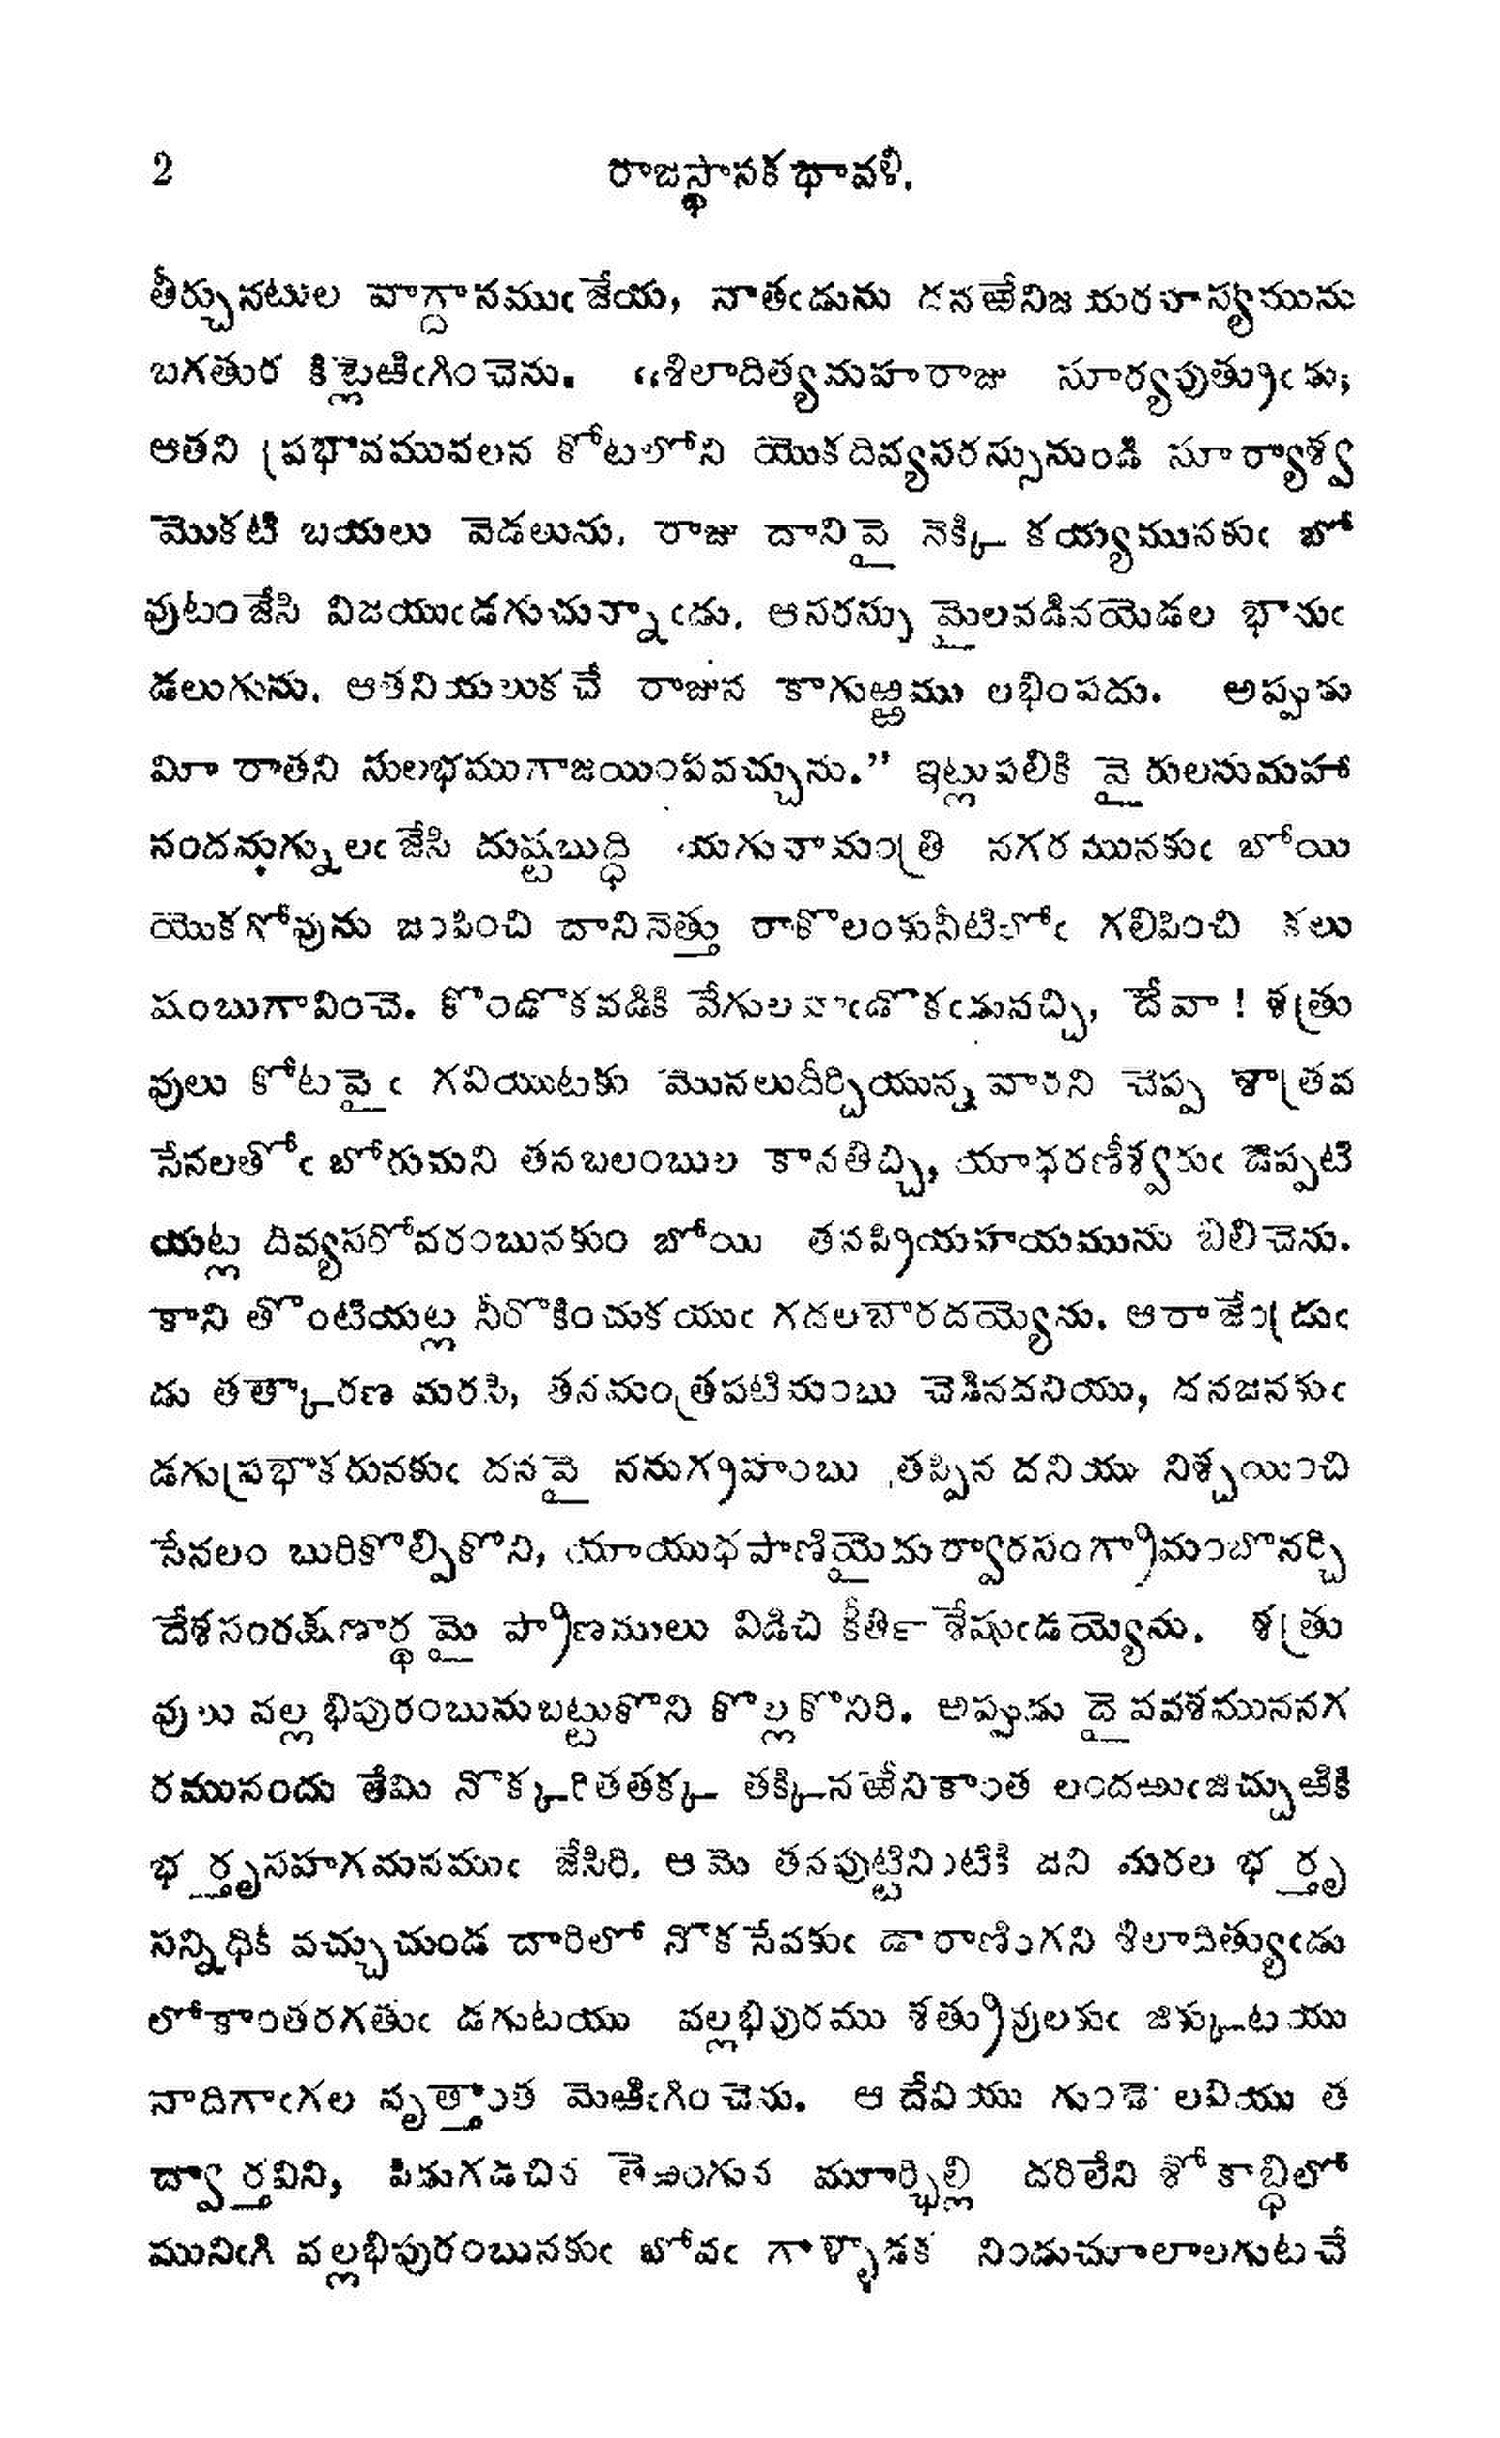తీర్చునటుల వాగ్దానముఁ జేయ, నాతఁడును దనఱేనిజ యరహస్యమును బగతుర కిట్లెఱిఁగించెను. "శిలాదిత్య మహరాజు సూర్యపుత్రుఁడు ఆతని ప్రభావమువలన కోటలోని యొక దివ్య సరస్సునుండి సూర్యాశ్వ మొకటి బయలు వెడలును. రాజు దాని పై నెక్కి కయ్యమునకుఁ బోవుటం జేసి విజయుఁడగుచున్నాఁడు. ఆ సరస్సు మైలవడిన యెడల భానుఁ డలుగును. ఆతనియలుకచే రాజున కాగుఱ్ఱము లభింపదు. అప్పుడు మీ రాతని సులభముగా జయింపవచ్చును. ” ఇట్లు పలికి వైరులను మహానందమగ్నులఁ జేసి దుష్టబుద్ధి యగు నామంత్రి నగరమునకుఁ బోయి యొక గోవును జంపించి దాని నెత్తు రాకొలంకునీటిలోఁ గలిపించి కలుషంబుగావించె. కొండొకవడికి వేగుల వాఁడొకఁడువచ్చి, దేవా ! శత్రువులు కోటపైఁ గవియుటకు 'మొనలుదీర్చియున్న వారని చెప్ప శాత్రవసేనలతోఁ బోరుమని తన బలంబుల కానతిచ్చి, యాధరణీశ్వరుఁ డెప్పటి యట్ల దివ్యసరోవరంబునకుం బోయి తనప్రియహయమును బిలిచెను. కాని తొంటియట్ల నీరొకిం చుకయుఁ గదల బారదయ్యెను. ఆ రాజేంద్రుఁడు తత్కారణ మరసి, తన మంత్రపటి మంబు చెడినదనియు, దనజనకుఁ డగుప్రభాకరునకుఁ దనవై ననుగ్రహంబు తప్పిన దనియు నిశ్చయించి సేనలం బురికొల్పికొని, మాయుధ పాణియైదుర్వార సంగ్రామం బొనర్చి దేశ సంరక్షణార్థ మై ప్రాణములు విడిచి కీతి౯ శేషుఁడయ్యెను. శత్రువుల వల్లభిపురంబును బట్టుకొని కొల్లకొనిరి. అప్పుడు దైవవశమున నగరమునందు తేమి నొక్కరితతక్క తక్కిన ఱేనికాంత లందఱుఁ జిచ్చుఱికి భర్తృసహగమనముఁ జేసిరి. ఆమె తన పుట్టినిఁటికి జని మరల భర్తృ సన్నిధికి వచ్చుచుండ దారిలో నొక సేవకుఁ డా రాణింగని శిలాదిత్యుఁడు లోకాంతరగతుఁ డగుటయు వల్ల భిపురము శత్రువులకుఁ జిక్కుటయు నాదిగాగల వృత్తాంత మెఱిఁగించెను. ఆ దేవియు గుండె లవియు తద్వార్తవిని, పిడుగడచిన తెఱంగున మూర్ఛిల్లి దరి లేని శోకాబ్ధిలో మునిగి వల్లభిపురంబునకుఁ బోవఁ గాళ్ళాడక నిండుచూలాలగుటచే